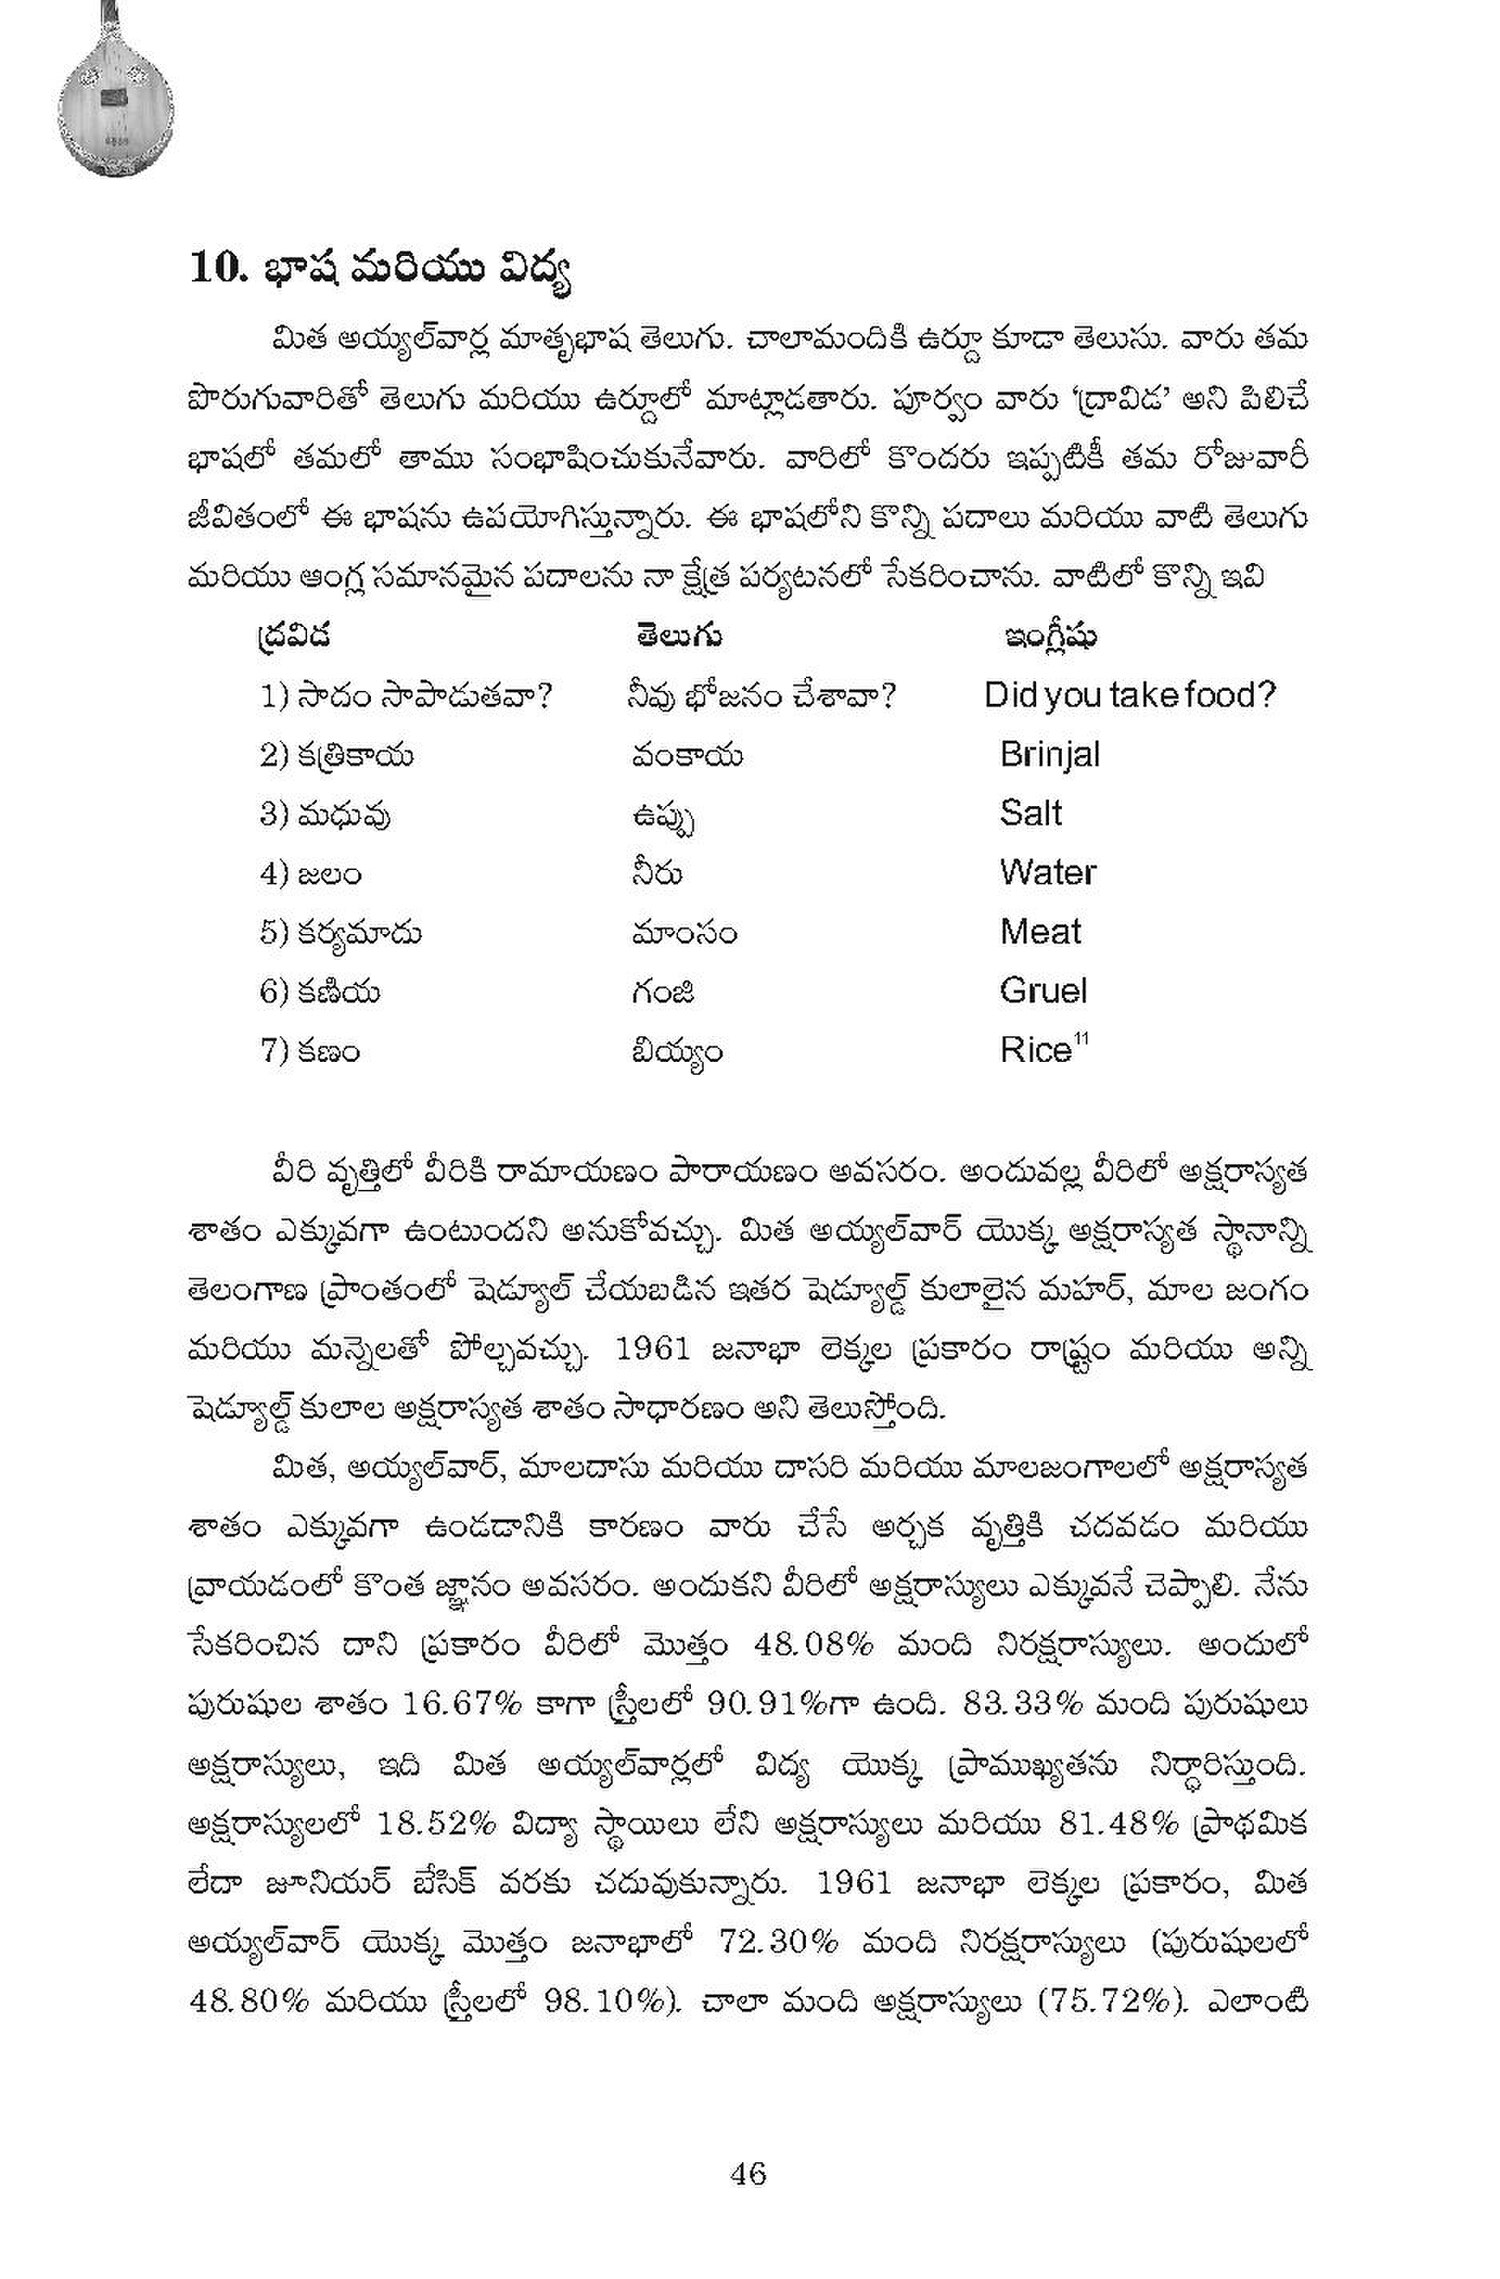10. భాష మరియు విద్య 

మిత అయ్యల్వార్ల మాతృభాష తెలుగు. చాలామందికి ఉర్దూ కూడా తెలుసు. వారు తమ పొరుగువారితో తెలుగు మరియు ఉర్దూలో మాట్లాడతారు. పూర్వం వారు 'ద్రావిడ' అని పిలిచే భాషలో తమలో తాము సంభాషించుకునేవారు. వారిలో కొందరు ఇప్పటికీ తమ రోజువారీ జీవితంలో ఈ భాషను ఉపయోగిస్తున్నారు. ఈ భాషలోని కొన్ని పదాలు మరియు వాటి తెలుగు మరియు ఆంగ్ల సమానమైన పదాలను నా క్షేత్ర పర్యటనలో సేకరించాను. వాటిలో కొన్ని ఇవి
+ ద్రవిడ తెలుగు ఇంగ్లీషు 1) సాదం సాపాడుతవా? నీవు భోజనం చేశావా? Did you take food? 2) కత్రికాయ వంకాయ Brinjal 3) మధువు ఉప్పు Salt 4) జలం నీరు Water 5) కర్యమాదు మాంసం Meat 6) కణియ గంజి Gruel 7) కణం బియ్యం Rice11

వీరి వృత్తిలో వీరికి రామాయణం పారాయణం అవసరం. అందువల్ల వీరిలో అక్షరాస్యత శాతం ఎక్కువగా ఉంటుందని అనుకోవచ్చు. మిత అయ్యల్వార్ యొక్క అక్షరాస్యత స్థానాన్ని తెలంగాణ ప్రాంతంలో షెడ్యూల్ చేయబడిన ఇతర షెడ్యూల్డ్ కులాలైన మహర్, మాల జంగం మరియు మన్నెలతో పోల్చవచ్చు. 1961 జనాభా లెక్కల ప్రకారం రాష్ట్రం మరియు అన్ని షెడ్యూల్డ్ కులాల అక్షరాస్యత శాతం సాధారణం అని తెలుస్తోంది.

మిత, అయ్యల్వార్, మాలదాసు మరియు దాసరి మరియు మాలజంగాలలో అక్షరాస్యత శాతం ఎక్కువగా ఉండడానికి కారణం వారు చేసే అర్చక వృత్తికి చదవడం మరియు వ్రాయడంలో కొంత జ్ఞానం అవసరం. అందుకని వీరిలో అక్షరాస్యులు ఎక్కువనే చెప్పాలి. నేను సేకరించిన దాని ప్రకారం వీరిలో మొత్తం 48.08% మంది నిరక్షరాస్యులు. అందులో పురుషుల శాతం 16.67% కాగా స్త్రీలలో 90.91%గా ఉంది. 83.33% మంది పురుషులు అక్షరాస్యులు, ఇది మిత అయ్యల్వార్లలో విద్య యొక్క ప్రాముఖ్యతను నిర్ధారిస్తుంది. అక్షరాస్యులలో 18.52% విద్యా స్థాయిలు లేని అక్షరాస్యులు మరియు 81.48% ప్రాథమిక లేదా జూనియర్ బేసిక్ వరకు చదువుకున్నారు. 1961 జనాభా లెక్కల ప్రకారం, మిత
అయ్యల్వార్ యొక్క మొత్తం జనాభాలో 72.30% మంది నిరక్షరాస్యులు (పురుషులలో 48.80% మరియు స్త్రీలలో 98.10%). చాలా మంది అక్షరాస్యులు (75.72%). ఎలాంటి